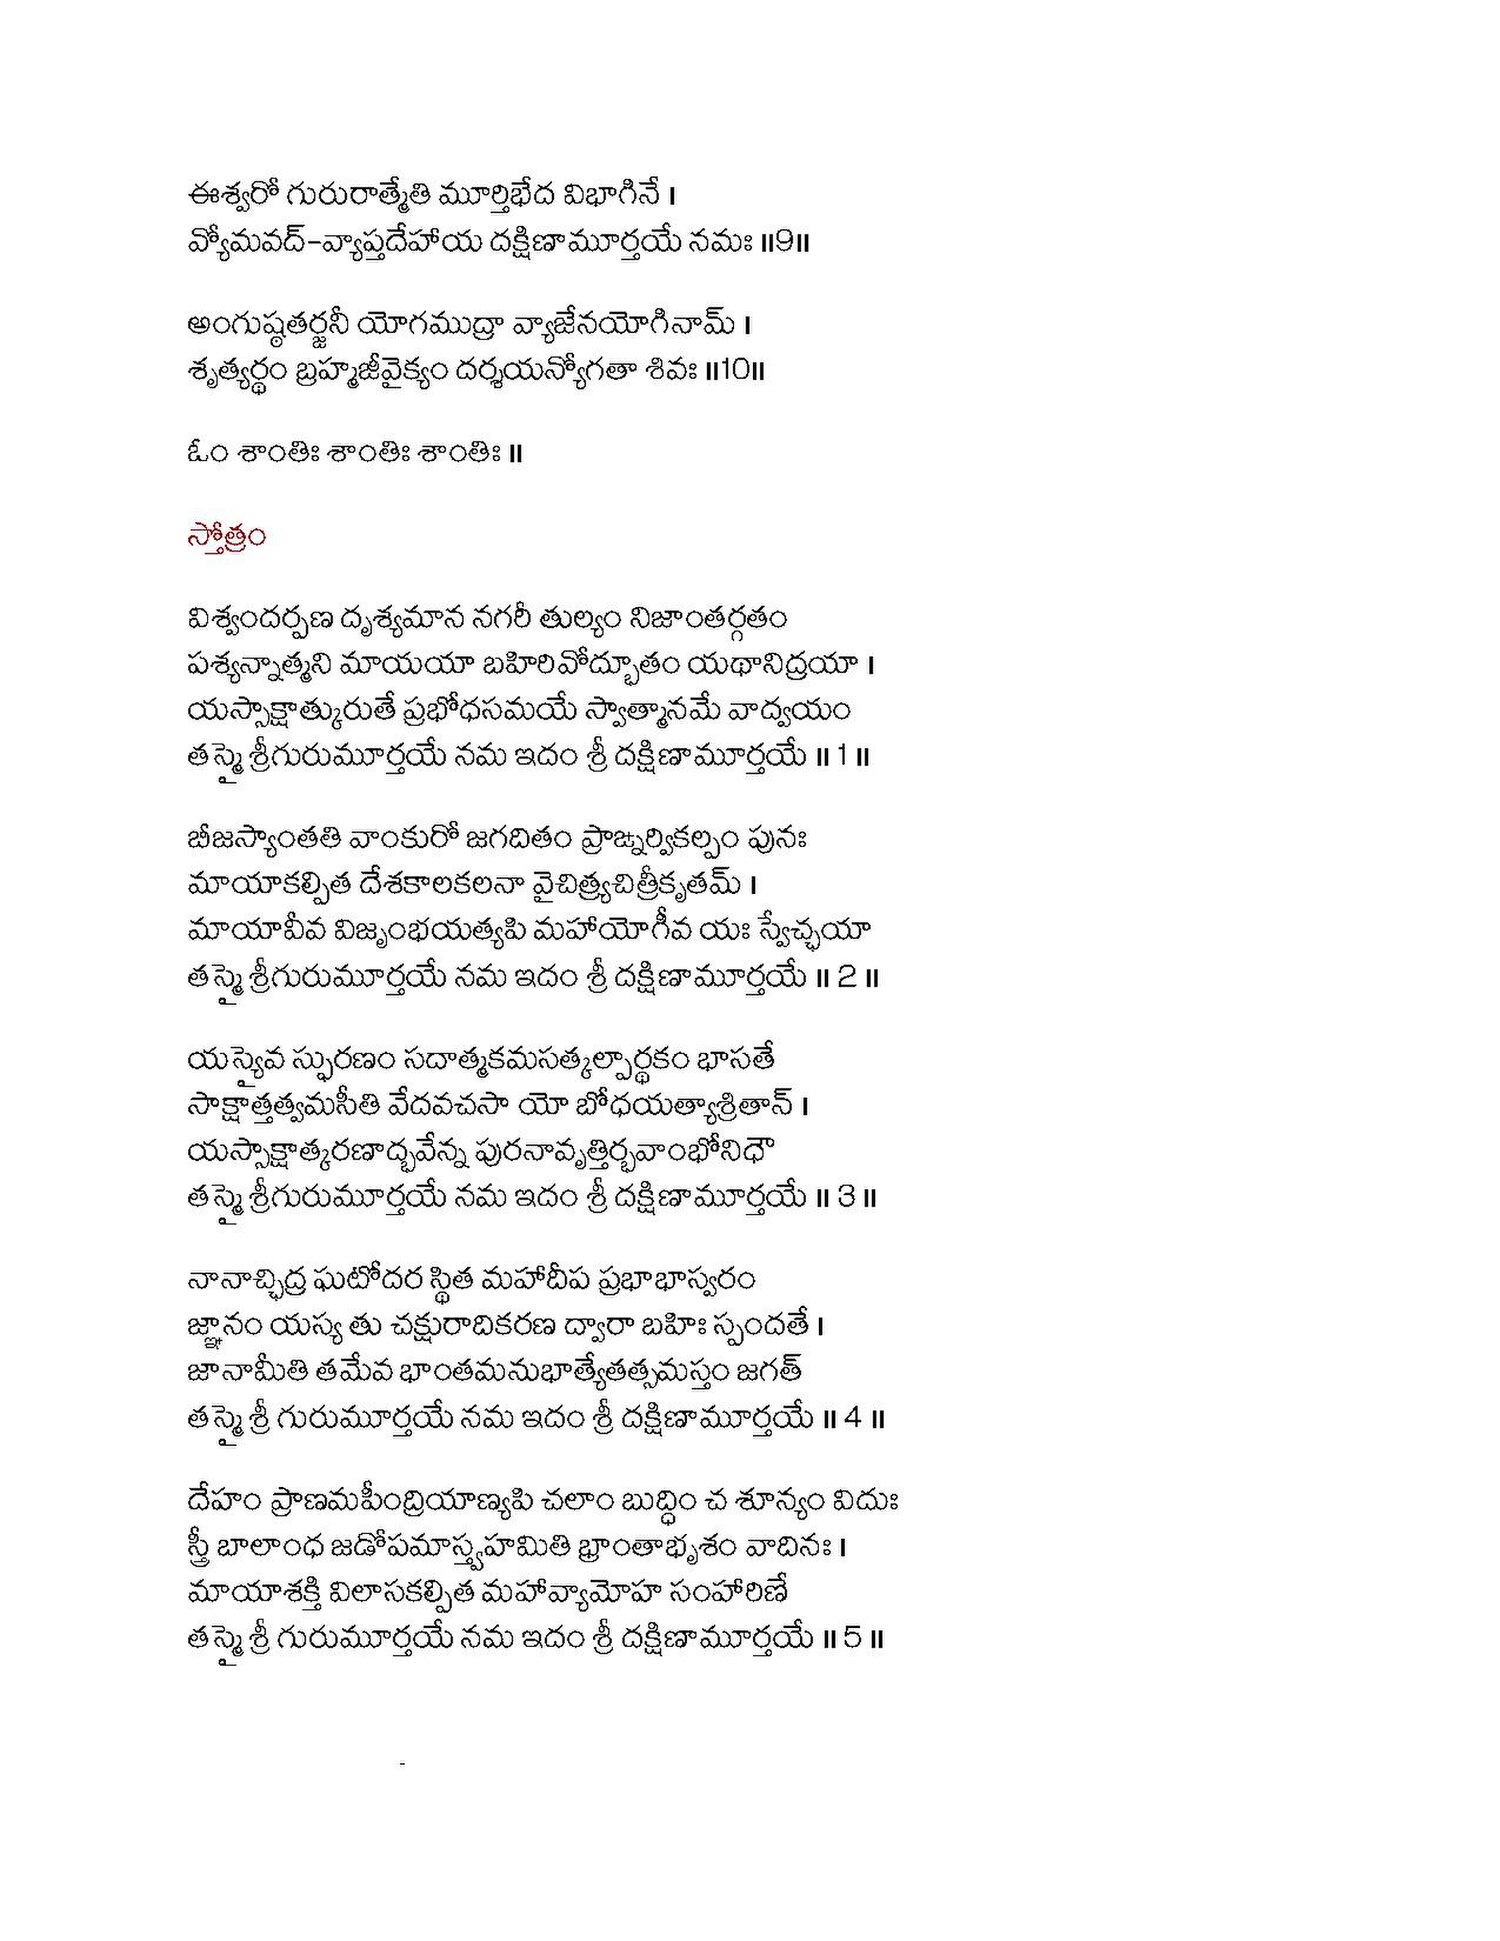ఈశ్వరో గురురాత్మేతి మూర్తి భేద విభాగినే |
వ్యోమవద్-వ్యాప్తదేహాయ దక్షిణామూర్తయే నమః || 9 ||

అంగుష్ఠతర్జనీ యోగముద్రా వ్యాజేనయోగినామ్ |
శృత్యర్థం బ్రహ్మజీవైక్యం దర్శయన్యోగతా శివః || 10 ||

ఓం శాంతిః శాంతిః శాంతిః||

స్తోత్రం

విశ్వందర్పణ దృశ్యమాన నగరీ తుల్యం నిజాంతర్గతం
పశ్యన్నాత్మని మాయయా బహిరివోద్భూతం యథానిద్రయా |
యస్సాక్షాత్కురుతే ప్రభోధసమయే స్వాత్మానమే వాద్వయం
తస్మై శ్రీగురుమూర్తయే నమ ఇదం శ్రీ దక్షిణామూర్తయే || 1 ||

బీజస్యాంతతి వాంకురో జగదితం ప్రాఙ్నర్వికల్పం పునః
మాయాకల్పిత దేశకాలకలనా వైచిత్య్రచిత్రీకృతమ్ |
మాయావీవ విజృంభయత్యపి మహాయోగీవ యః స్వేచ్ఛయా
తస్మై శ్రీగురుమూర్తయే నమ ఇదం శ్రీ దక్షిణామూర్తయే || 2 ||

యస్యైవ స్ఫురణం సదాత్మకమసత్కల్పార్థకం భాసతే
సాక్షాత్తత్వమసీతి వేదవచసా యో బోధయత్యాశ్రితాన్ |
యస్సాక్షాత్కరణాద్భవేన్న పురనావృత్తిర్భవాంభోనిధౌ
తస్మై శ్రీగురుమూర్తయే నమ ఇదం శ్రీ దక్షిణామూర్తయే || 3 ||

నానాచ్ఛిద్ర ఘటోదర స్థిత మహాదీప ప్రభాభాస్వరం
జ్ఞానం యస్య తు చక్షురాదికరణ ద్వారా బహిః స్పందతే |
జానామీతి తమేవ భాంతమనుభాత్యేతత్సమస్తం జగత్
తస్మై శ్రీ గురుమూర్తయే నమ ఇదం శ్రీ దక్షిణామూర్తయే || 4 ||

దేహం ప్రాణమపీంద్రియాణ్యపి చలాం బుద్ధిం చ శూన్యం విదుః
స్త్రీ బాలాంధ జడోపమాస్త్వహమితి భ్రాంతాభృశం వాదినః |
మాయాశక్తి విలాసకల్పిత మహావ్యామోహ సంహారిణే
తస్మై శ్రీ గురుమూర్తయే నమ ఇదం శ్రీ దక్షిణామూర్తయే || 5 ||